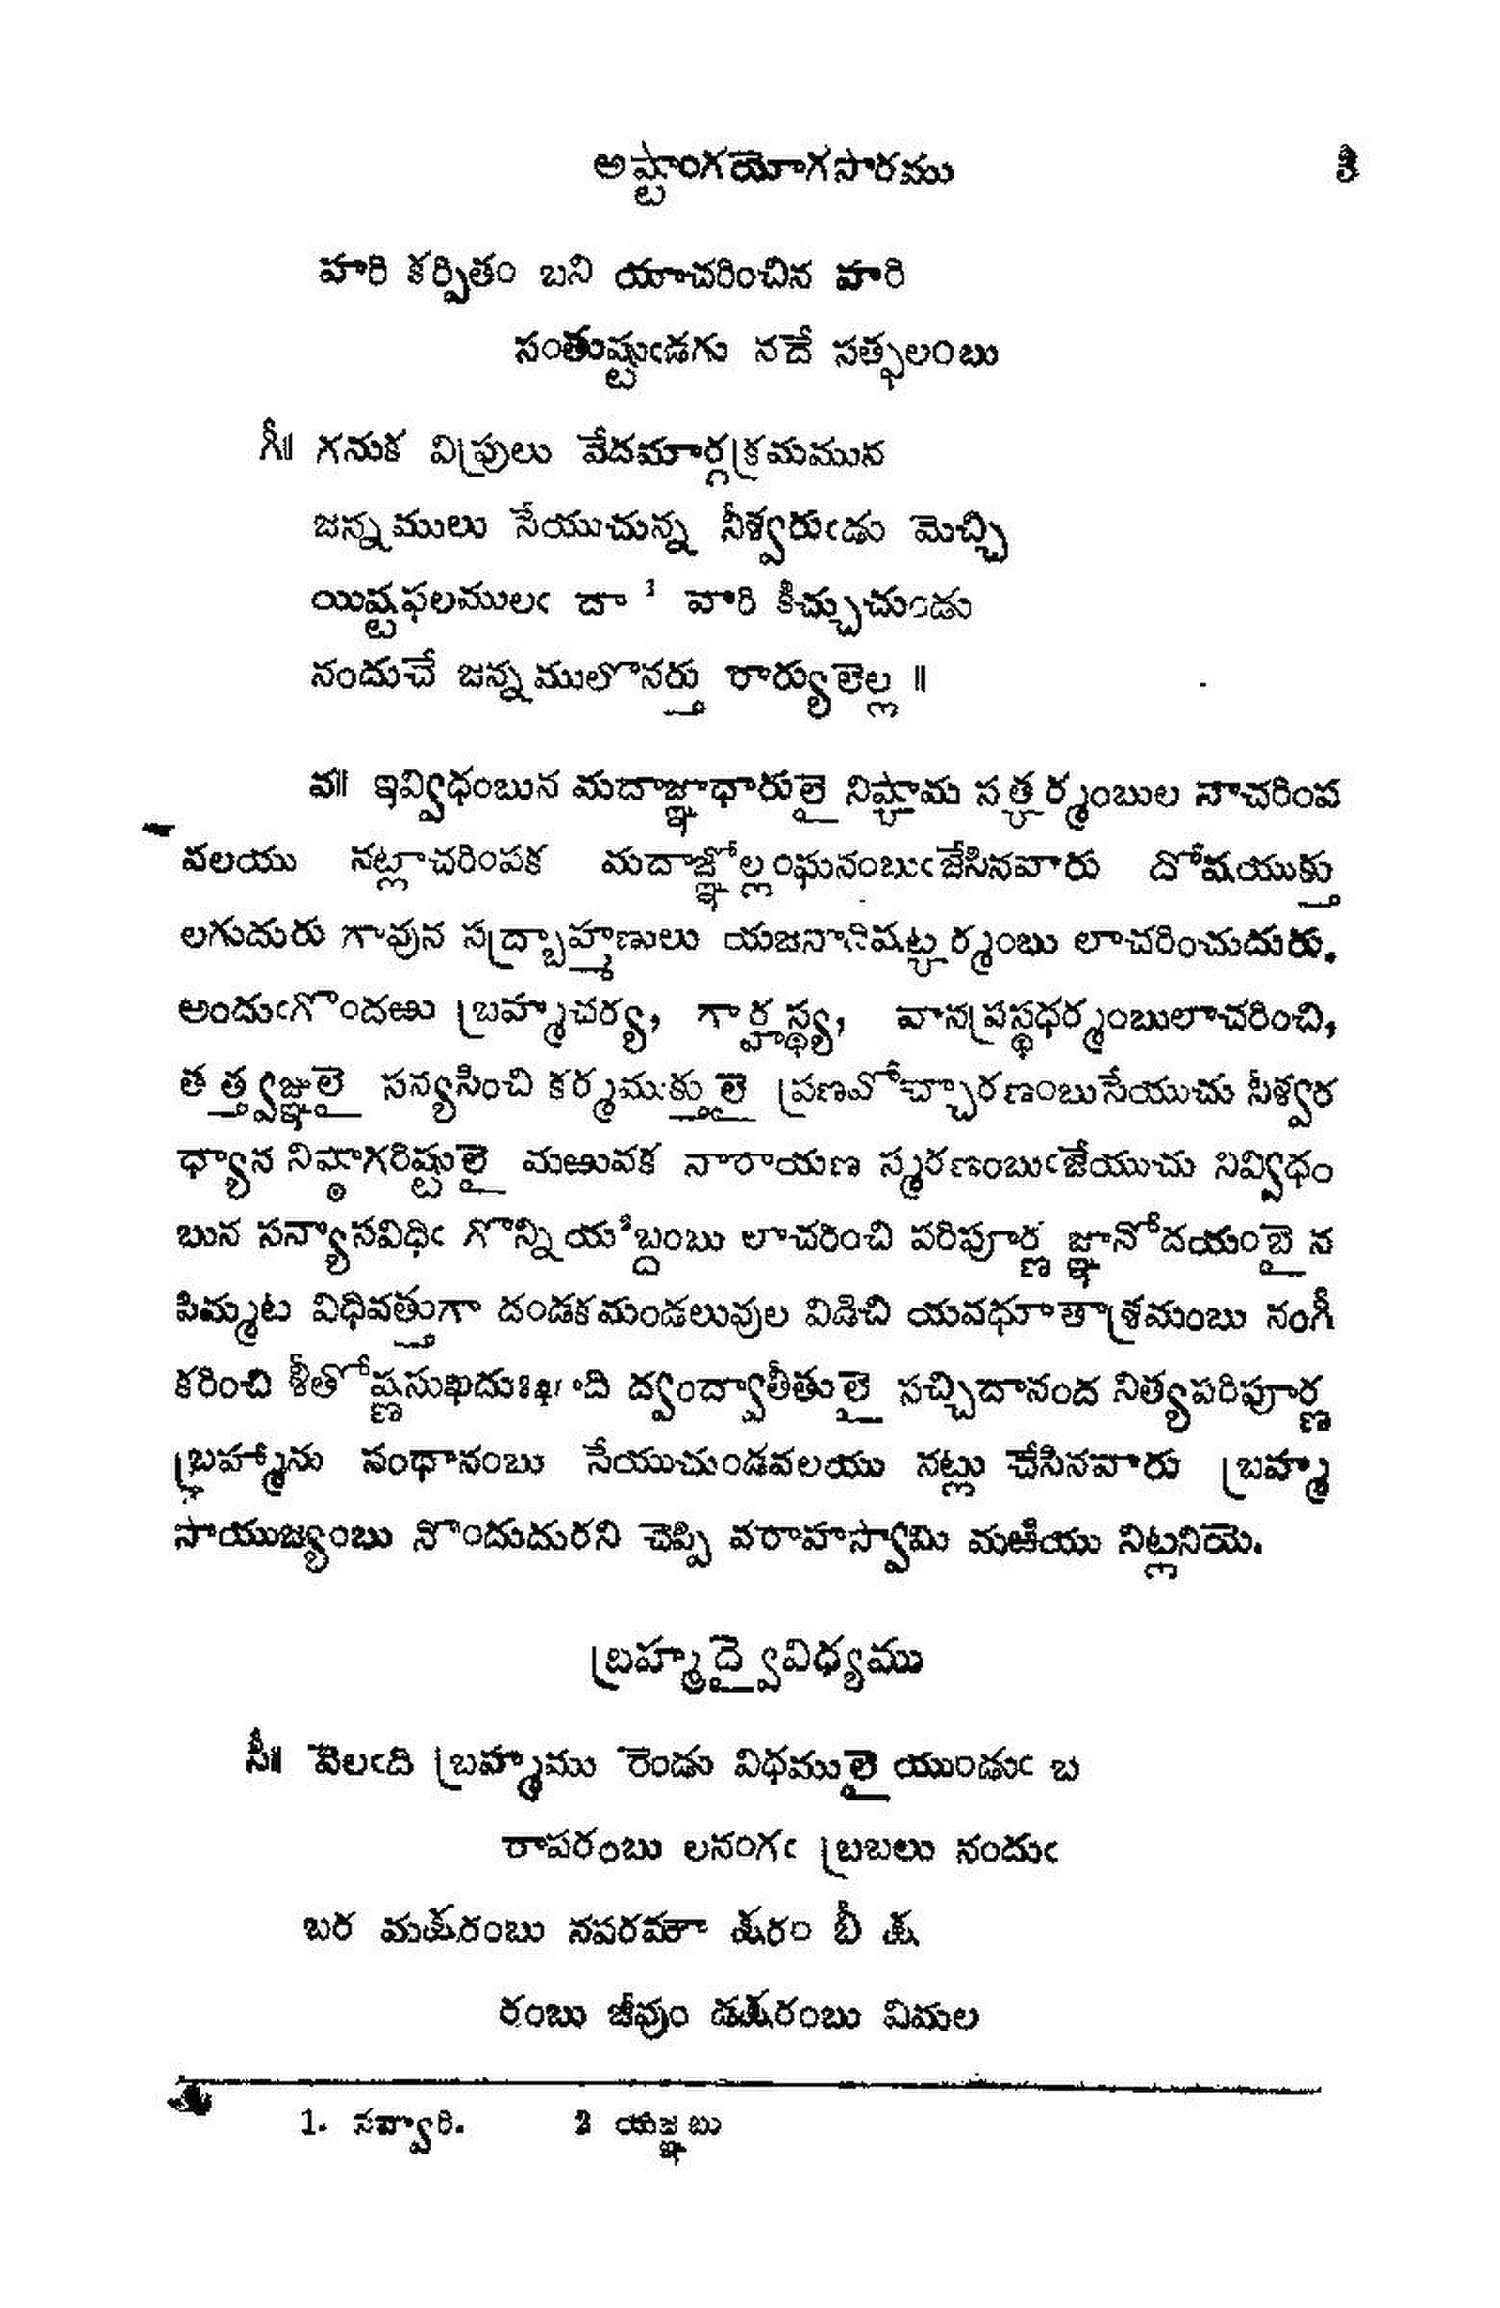హరి కర్పితం బని యాచరించిన హరి
 సంతుష్టుఁడగు నదే సత్ఫలంబు
గీ॥ గనుక విప్రులు వేదమార్గక్రమమున
 జన్నములు సేయుచున్న నీశ్వరుఁడు మెచ్చి
 యిష్టఫలములఁ దా వారి కిచ్చుచుండు
 నందుచే జన్నములొనర్తు రార్యులెల్ల॥

వ॥ ఇవ్విధంబున మదాజ్ఞాధారులై నిష్ణామసత్కర్మంబుల నాచరింపవలయు నట్లాచరింపక మదాజ్ఞోల్లంఘనంబుఁ జేసినవారు దోషయుక్తు లగుదురు గావున సద్రాహ్మణులు యజనాదిషట్కర్మంబు లాచరించుదురు. అందుఁగొందఱు బ్రహ్మచర్య, గార్హస్థ్య, వానప్రస్థధర్మంబు లాచరించి, తత్త్వజ్ఞులై సన్యసించి కర్మముక్తులై ప్రణవోచ్చారణంబు సేయుచు నీశ్వరధ్యాననిష్ఠాగరిష్టులై మఱువక నారాయణస్మరణంబుఁ జేయుచు నివ్విధంబున సన్యాసవిధిఁ గొన్నియబ్దంబు లాచరించి పరిపూర్ణజ్ఞానోదయంబైన
పిమ్మట విధివత్తుగా దండకమండలువుల విడిచి యవధూతాశ్రమంబు నంగీకరించి శీతోష్ణసుఖదుఃఖాదిద్వంద్వాతీతులై సచ్చిదానందనిత్యపరిపూర్ణబ్రహ్మానుసంధానంబు సేయుచుండవలయు నట్లు చేసినవారు బ్రహ్మసాయుజ్యంబు నొందుదురని చెప్పి వరాహస్వామి మఱియు నిట్లనియె.

సీ॥ వెలఁది బ్రహ్మము రెండు విధములై యుండుఁ బ
 రాపరంబు లనంగఁ బ్రబలు నందుఁ
 బర మక్షరంబు నపరమౌ క్షరం బీ క్ష
 రంబు జీవుం డక్షరంబు విమల